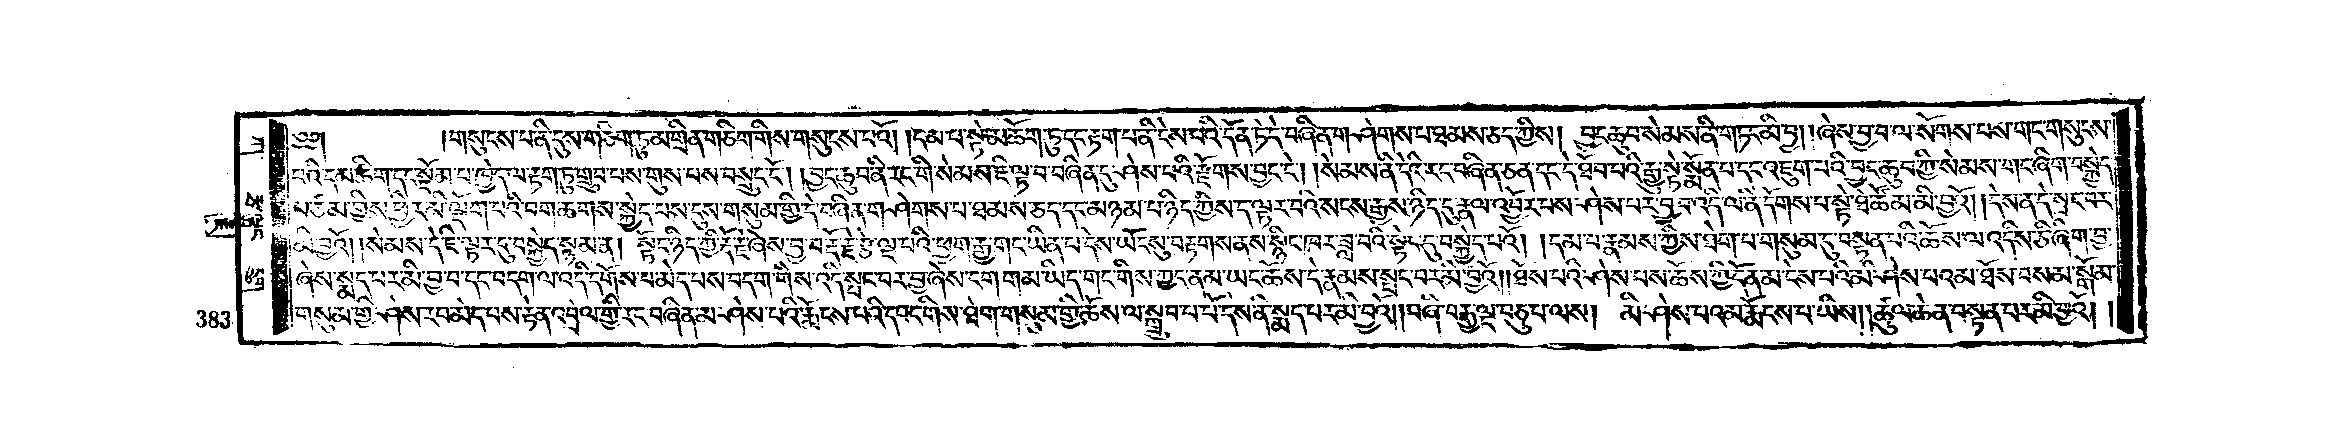༄༅། །གསུངས་པ་ནི་དུས་གཅིག་ཏུ་མགྲིན་གཅིག་གིས་གསུངས་པའོ། །དམ་པ་སྟེ་མཆོག་ཏུ་དང་རྟག་པ་ནི་ངེས་པའི་དོན་ཏེ་དེ་བཞིན་གཤེགས་པ་ཐམས་ཅད་ཀྱིས། བྱང་ཆུབ་སེམས་ནི་གཏང་མི་བྱ། །ཞེས་བྱ་བ་ལ་སོགས་པས་གང་གསུངས་
པའི་དམ་ཚིག་དང་སྡོམ་པ་ཁྱེད་ལ་རྟག་ཏུ་གྲུབ་པས་གུས་པས་བསྲུང་ངོ། །བྱང་ཆུབ་ནི་རང་གི་སེམས་ཇི་ལྟ་བ་བཞིན་དུ་ཤེས་པའི་རྫོགས་བྱང་དེ། །སེམས་ནི་དེའི་རང་བཞིན་ཅན་དང་དེ་ཐོབ་པའི་རྒྱུ་སྟེ་སྨོན་པ་དང་འཇུག་པའི་བྱང་ཆུབ་ཀྱི་སེམས་གང་ཞིག་བསྐྱེད་
པ་ཙམ་གྱིས་ཕྱིར་མི་ལྡོག་པའི་བག་ཆགས་སྐྱེད་པས་དུས་གསུམ་གྱི་དེ་བཞིན་གཤེགས་པ་ཐམས་ཅད་དང་མཉམ་པ་ཉིད་ཀྱིས་ད་ལྟར་བའི་སངས་རྒྱས་ཉིད་དུ་རྣལ་འབྱོར་པས་ཤེས་པར་བྱ་བ་འདི་ལ་ནི་དོགས་པ་སྟེ་ཐེ་ཚོམ་མི་བྱའོ། །དེས་ན་དེ་སྲང་བར་
མི་བྱའོ། །སེམས་དེ་ཇི་ལྟར་དུ་བསྐྱེད་སྙམ་ན། སྟོང་ཉིད་ཀྱི་རྡོ་རྗེ་ཞེས་བྱ་བ་རྡོ་རྗེ་རྩེ་ལྔ་པའི་ཕྱག་རྒྱ་གང་ཡིན་པ་དེས་ཡོངས་སུ་བརྟགས་ནས་སྙིང་ཁར་ཟླ་བའི་སྟེང་དུ་བསྐྱེད་པའོ། །དམ་པ་རྣམས་ཀྱིས་ཐེག་པ་གསུམ་དུ་བསྟན་པའི་ཆོས་ལ་འདིས་ཅི་ཞིག་བྱ་
ཞེས་སྨད་པར་མི་བྱ་བ་དང་བདག་ལ་འདི་དགོས་པ་མེད་པས་བདག་གིས་འདི་སྤང་བར་བྱ་ཞེས་ངག་གམ་ཡིད་གང་གིས་ཀྱང་ནམ་ཡང་ཆོས་དེ་རྣམས་སྤང་བར་མི་བྱའོ། །ཐོས་པའི་ཤེས་པས་ཆོས་ཀྱི་དོན་མ་ངེས་པའི་མི་ཤེས་པའམ་ཐོས་བསམ་སྒོམ་
གསུམ་གྱི་ཤེས་རབ་མེད་པས་རྟེན་འབྲེལ་གྱི་རང་བཞིན་མ་ཤེས་པའི་རྨོངས་པའི་དབང་གིས་ཐེག་གསུམ་གྱི་ཆོས་ལ་སྒྲུབ་པ་པོ་དེས་ནི་སྨད་པར་མི་བྱའོ། །བཞི་བརྒྱ་ལྔ་བཅུ་པ་ལས། མི་ཤེས་པའམ་རྨོངས་པ་ཡིས། །ཚུལ་ཆེན་བསྟན་པར་མི་བྱའོ། །